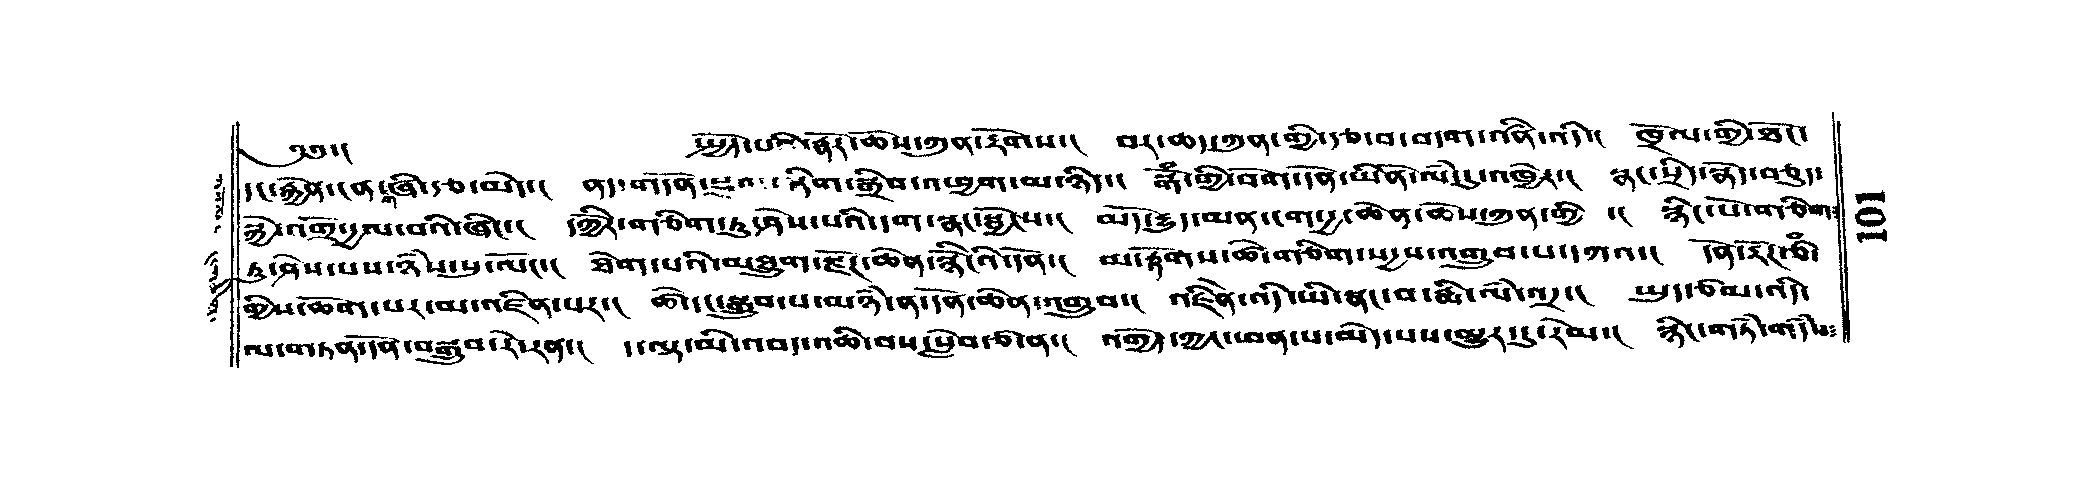སྤྱོད་པའི་རྣལ་འབྱོར་ཆོས་ཀུན་རྟོགས། །བར་ཆད་ཀུན་གྱི་རྩ་བ་བདག་འཛིན་འདི། །ཁྲོལ་གྱི་ཐོངས་
དང་རྐྱེན་ངན་གཞི་རྩ་མེད། །ནད་གདོན་སྡུག་བསྔལ་སྡིག་སྒྲིབ་འཕྱགས་མ་ཉིད། །སྒོམ་གྱི་བོགས་དོན་ཡིན་ནོ་ལམ་དུ་འཁྱེར། །སྣང་སྲིད་སྣོད་བཅུད་
སྐྱེ་འགྲོ་རྒྱལ་བའི་ཞིང་། །དཀྱིལ་འཁོར་གཅིག་ཏུ་ཤེས་པའི་དག་སྣང་སྦྱོངས། །མདོ་རྒྱུད་མན་ངག་རྒྱ་ཆེན་ཆོས་ཀུན་གྱི། །སྙིང་པོ་གཅིག་
ཏུ་ཤེས་པས་ཉམས་སུ་ལོངས། །ཐེག་པའི་མཐར་ཐུག་རྫོགས་ཆེན་སྙིང་པོའི་དོན། །མ་རྟོགས་ཚེ་གཅིག་སངས་རྒྱས་འགྲུབ་པ་དཀའ། །དོན་རྟོགས་ཙམ་
གྱིས་ཆོག་པར་མ་འཛིན་པར། །ཚེ་དང་སྒྲུབ་པ་མཉམ་ན་དོན་ཆེན་འགྲུབ། །འཇིག་རྟེན་འདི་ཡི་སྣང་བ་རྨི་ལམ་འདྲ། །ཡུད་ཙམ་འདི་
ལ་གཏན་དོན་བསྒྲུབ་རེ་རན། །ད་ལྟ་མི་འབད་འཆི་བ་སླེབས་ཙ་ན། །འགྱོད་ཀྱང་ཕན་པ་མེད་པས་མྱུར་དུ་རེམ། །སྙིང་གཏམ་གདམས་